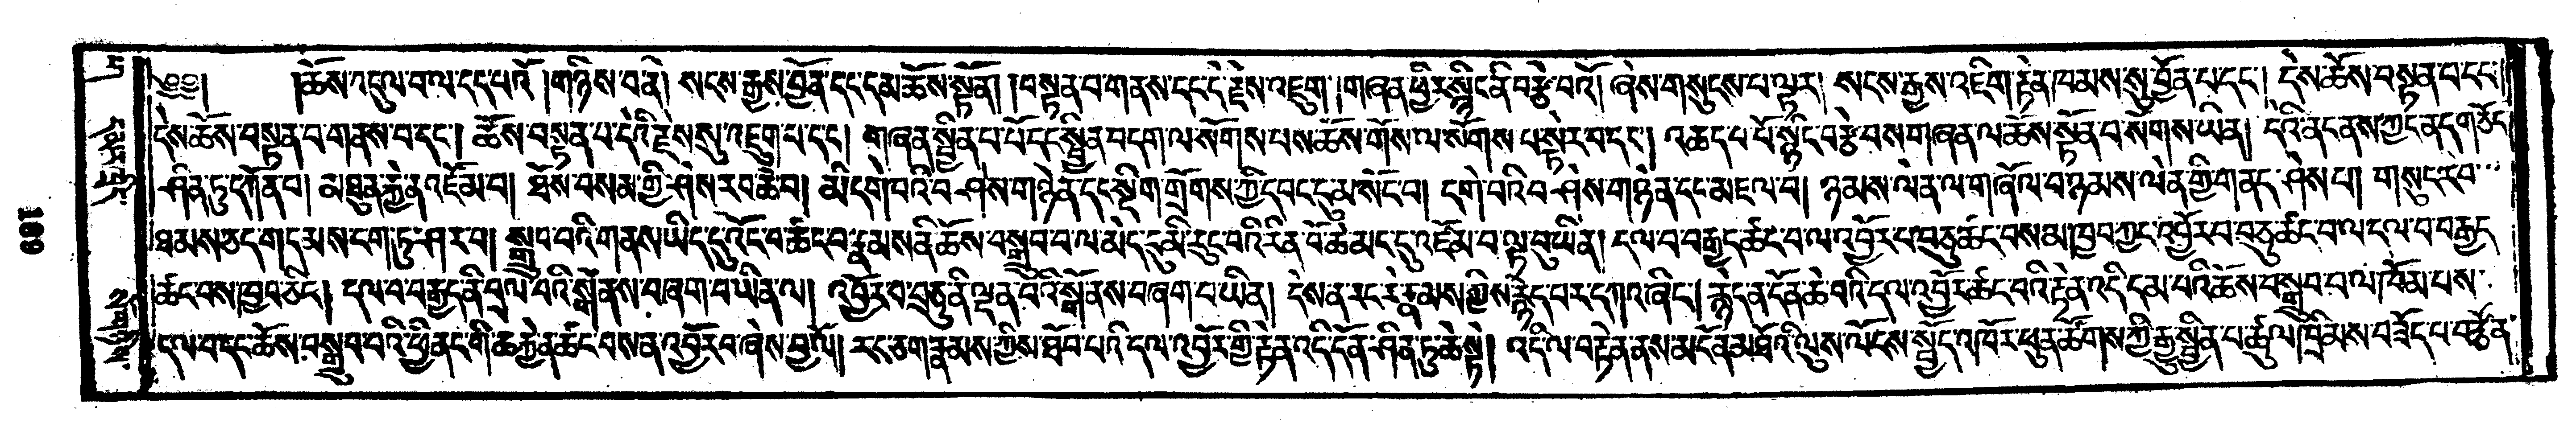༄༅། །ཆོས་འདུལ་བ་ལ་དད་པའོ་།གཉིས་བ་ནི། སངས་རྒྱས་བྱོན་དང་དམ་ཆོས་སྟོན། །བསྟན་བ་གནས་དང་དེ་རྗེས་འཇུག །གཞན་ཕྱིར་སྙིང་ནི་བརྩེ་བའོ། ཞེས་གསུངས་པ་ལྟར། སངས་རྒྱས་འཇིག་རྟེན་ཁམས་སུ་བྱོན་པ་དང་། དེས་ཆོས་བསྟན་པ་དང་།
དེས་ཆོས་བསྟན་པ་གནས་བ་དང་། ཆོས་བསྟན་པ་དེའི་རྗེས་སུ་འཇུག་པ་དང་། གཞན་སྦྱིན་པ་པོ་དང་སྦྱིན་བདག་ལ་སོགས་པས་ཆོས་པས་གོས་ལ་སོགས་པ་སྟེར་བ་དང་། འཆད་པ་པོ་སྙིང་བརྩེ་བས་གཞན་ལ་ཆོས་སྟོན་པ་སོགས་ཡིན། དེའི་ནང་ནས་ཀྱང་ནད་གཅོད་
ཤིན་ཏུ་དཀོན་པ། མཐུན་རྐྱེན་འཛོམ་བ། ཐོས་བསམ་གྱི་ཤེས་རབ་ཆེ་བ། མི་དགེ་བའི་བཤེས་གཉེན་དང་སྡིག་གྲོགས་ཀྱི་དབང་དུ་མ་སོང་བ། དགེ་བའི་བཤེས་གཉེན་དང་མཇལ་བ། ཉམས་ལེན་ལ་གཞོལ་བ་ཉམས་ལེན་གྱི་གནང་ཤེས་པ། གསུང་རབ་
ཐམས་ཅད་གདམས་ངག་ཏུ་ཤར་བ། སྒྲུབ་བའི་གནས་ཡིད་དུ་འོང་བ་ཚང་བ་རྣམས་ནི་ཆོས་བསྒྲུབ་བ་ལ་མེད་དུ་མི་རུང་བའི་རིན་པོ་ཆེ་མང་དུ་འཛོམ་བ་ལྟ་བུ་ཡིན། དལ་བ་བརྒྱད་ཚང་བ་ལ་འབྱོར་པ་བཅུ་ཚང་བས་མ་ཁྱབ་ཀྱང་འབྱོར་བ་བཅུ་ཚང་བ་ལ་དལ་བ་བརྒྱད་
ཚང་བས་ཁྱབ་ཅིང་། དལ་བ་བརྒྱད་ནི་བྲལ་བའི་སྒོ་ནས་བཞག་བ་ཡིན་ལ། འབྱོར་པ་བཅུ་ནི་ལྡན་བའི་སྒོ་ནས་བཞག་པ་ཡིན། དེས་ན་རང་རེ་རྣམས་ཀྱིས་རྙེད་པར་དཀའ་ཞིང་། རྙེད་ན་དོན་ཆེ་བའི་དལ་འབྱོར་ཚང་བའི་རྟེན་འདི་དམ་པའི་ཆོས་བསྒྲུབ་པ་ལ་ཁོམ་པས་
དལ་བ་དང་ཆོས་བསྒྲུབ་བའི་ཕྱི་ནང་གི་ཆ་རྐྱེན་ཚང་བས་ན་འབྱོར་བ་ཞེས་བྱའོ། །རང་ཅག་རྣམས་ཀྱིས་ཐོབ་པའི་དལ་འབྱོར་གྱི་རྟེན་འདི་དོན་ཤིན་ཏུ་ཆེ་སྟེ། འདི་ལ་བརྟེན་ནས་མངོན་མཐོའི་ལུས་ལོངས་སྤྱོད་འཁོར་ཕུན་ཚོགས་ཀྱི་རྒྱུ་སྦྱིན་པ་ཚུལ་ཁྲིམས་བཟོད་པ་བརྩོན་